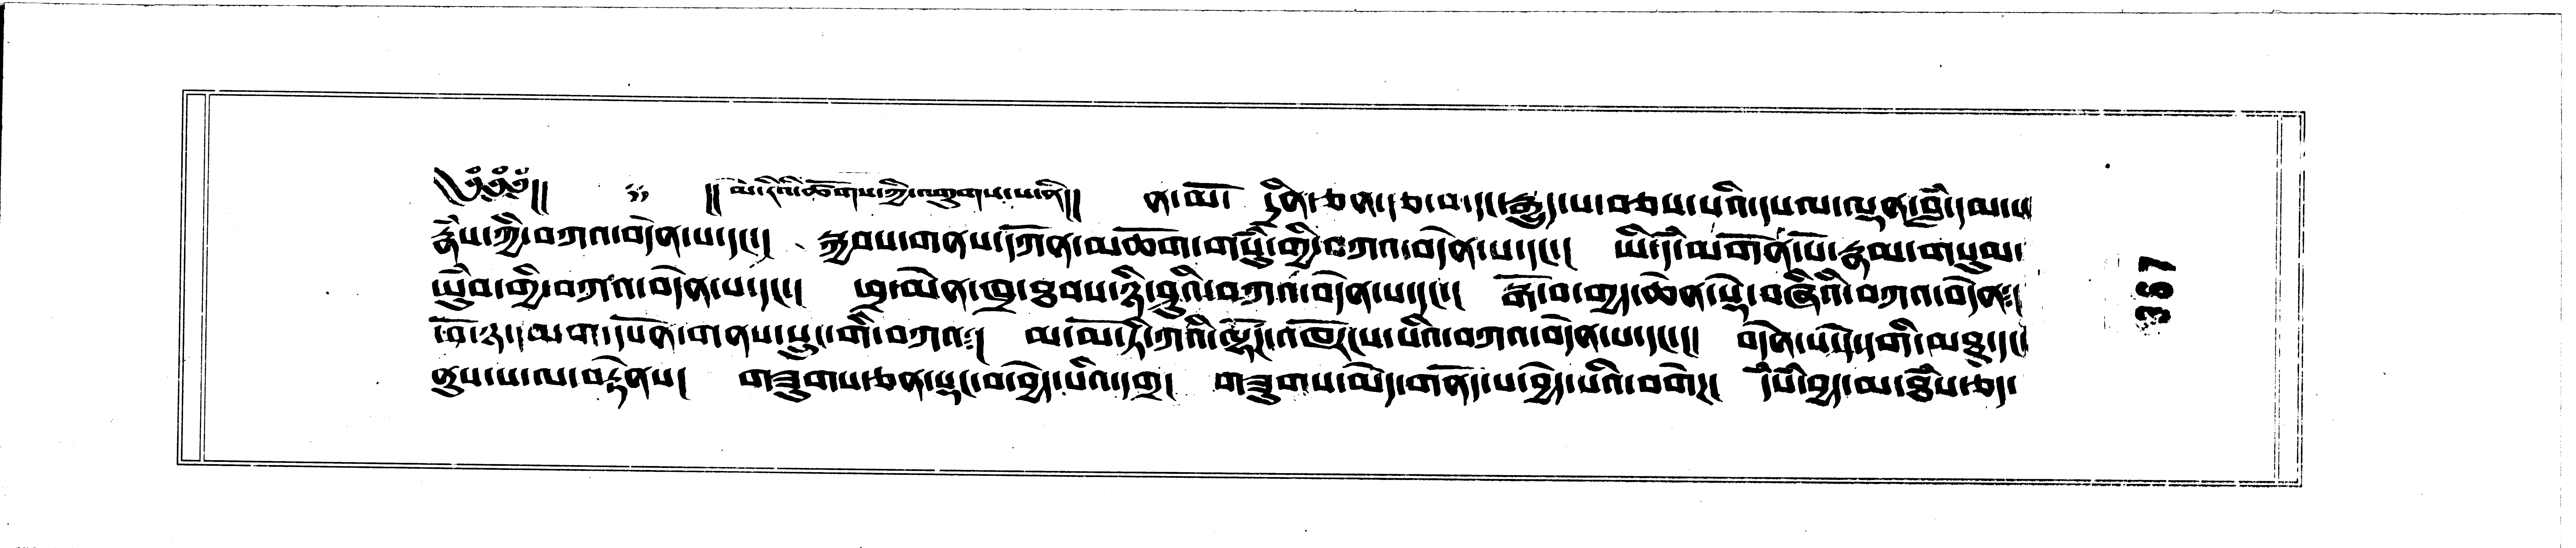མེ་རིའི་ཚོགས་ཀྱི་འགུགས་པ་ནི།། ན་མོ། དྲིན་ཅན་རྩ་བ་དང་རྒྱུད་པ་བཅས་པའི་དཔལ་ལྡན་བླ་མ་དམ་པ་
རྣམས་ཀྱི་བཀའ་བདེན་པ་དང་། སྐྱབས་གནས་དཀོན་མཆོག་གསུམ་གྱི་བཀའ་བདེན་པ་དང་། ཡི་དམ་མགོན་པོ་རྣམ་གསུམ་
ཡབ་ཡུམ་གྱི་བཀའ་བདེན་པ་དང་། ཕྲ་མེན་ཁྲ་ཐབས་ཉི་ཤུའི་བཀའ་བདེན་པ་དང་། སྒོ་བ་གྱད་ཆེན་སྡེ་བཞིའི་བཀའ་བདེན་པ་དང་།
 ཕོ་ཉ་དམག་དཔོན་གནས་སྲུང་གི་བཀའ་བདེན་པ་དང་། མ་མོ་ཏི་ཀའི་ལྷོ་ཕྱོགས་འཁོར་དང་བཅས་པའི་བཀའ་བདེན་པ་དང་།། བདེན་པ་དེ་དག་གི་མཐུ་དང་
ནུས་པ་ལ་བརྟེན་ནས། གཟུགས་ཅན་སྡང་བར་བྱེད་པའི་དགྲ། གཟུགས་མེད་གནོད་པར་བྱེད་པའི་བགེགས། དམ་ཉམས་བྱད་མ་ཐམས་ཅད་